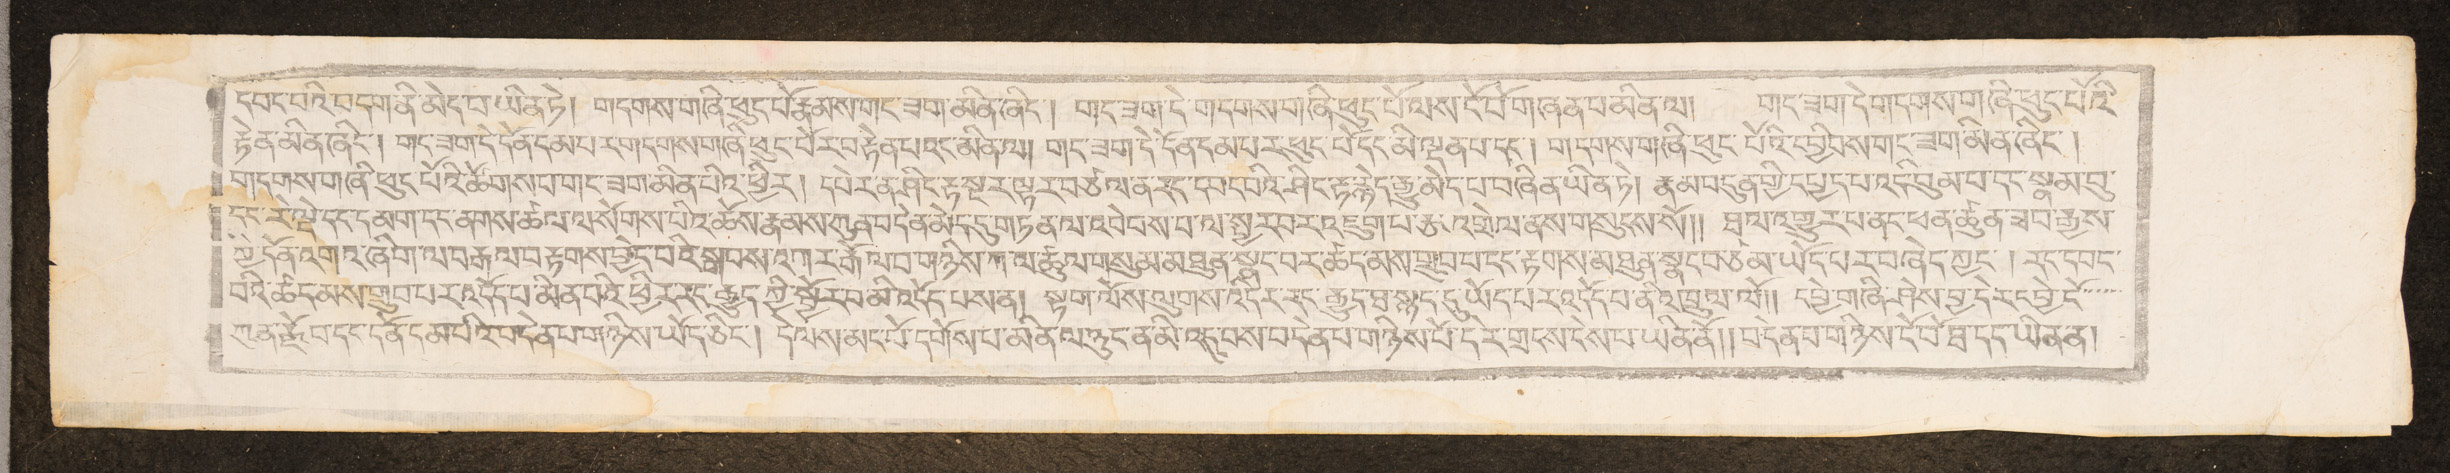དབང་བའི་བདག་ནི་མེད་པ་ཡིན་ཏེ། གདགས་གཞི་ཕུང་པོ་རྣམས་གང་ཟག་མིན་ཞིང་། གང་ཟག་དེ་གདགས་གཞི་ཕུང་པོ་ལས་ངོ་བོ་གཞན་པ་མིན་ལ། གང་ཟག་དེ་གདགས་གཞི་ཕུང་པོའི་
རྟེན་མིན་ཞིང་། གང་ཟག་དེ་དོན་དམ་པར་གདགས་གཞི་ཕུང་པོར་བརྟེན་པའང་མིན་ལ། གང་ཟག་དེ་དོན་དམ་པར་ཕུང་པོ་དང་མི་ལྡན་པ་དང་། གདགས་གཞི་ཕུང་པོའི་དབྱིངས་གང་ཟག་མིན་ཞིང་།
གདགས་གཞི་ཕུང་པོའི་ཚོགས་པ་གང་ཟག་མིན་པའི་ཕྱིར། དཔེར་ན་ཤིང་རྣ་སྔར་ལྟར་བཙལ་ན་རང་དབང་བའི་ཤིང་རྟ་རྙེད་རྒྱུ་མེད་པ་བཞིན་ཡིན་ཏེ། རྣམ་བདུན་གྱི་དཔྱད་པ་འདི་བུམ་པ་དང་སྣམ་བུ་
དང་རེ་ལྡེ་དང་དམག་དང་ནགས་ཚལ་ལ་སོགས་པའི་ཆོས་རྣམས་ཀུན་བདེན་མེད་དུ་གཏན་ལ་འབེབས་པ་ལ་སྦྱར་བར་འཇུག་པ་རྩ་འགྲེལ་ནས་གསུངས་སོ། །ཐལ་འགྱུར་པ་ནང་ཕན་ཚུན་ཟབ་རྒྱས་
ཀྱི་དོན་འགའ་ཞིག་ལ་བརྒལ་བརྟགས་བྱེད་པའི་སྐབས་འགར་རྒོལ་བ་གཉིས་ཀ་ལ་ཚུལ་གསུམ་མཐུན་སྣང་བར་ཚད་མས་གྲུབ་པ་དང་རྟགས་མཐུན་སྣང་བ་ཙམ་ཡོད་པར་བཞེད་ཀྱང་། རང་དབང་
བའི་ཚད་མས་གྲུབ་པར་འདོད་པ་མིན་པའི་ཕྱིར་རང་རྒྱུད་ཀྱི་སྦྱོར་བ་མི་འདོད་པས་ན། སྟག་ལོས་ལུགས་འདིར་རང་རྒྱུད་ཐ་སྙད་དུ་ཡོད་པར་འདོད་པ་ནི་འཁྲུལ་ལོ། །དབྱེ་གཞི་ཤེས་བྱ་དེར་དབྱེ་ངོ་
ཀུན་རྫོབ་དང་དོན་དམ་པའི་བདེན་པ་གཉིས་ཡོད་ཅིང་། དེ་ལས་མང་པོ་དགོས་པ་མིན་ལ་ཉུང་ན་མི་འདུ་བས་བདེན་པ་གཉིས་པོ་དེར་གྲངས་ངེས་པ་ཡིན་ནོ། །བདེན་པ་གཉིས་ངོ་བོ་ཐ་དད་ཡིན་ན།